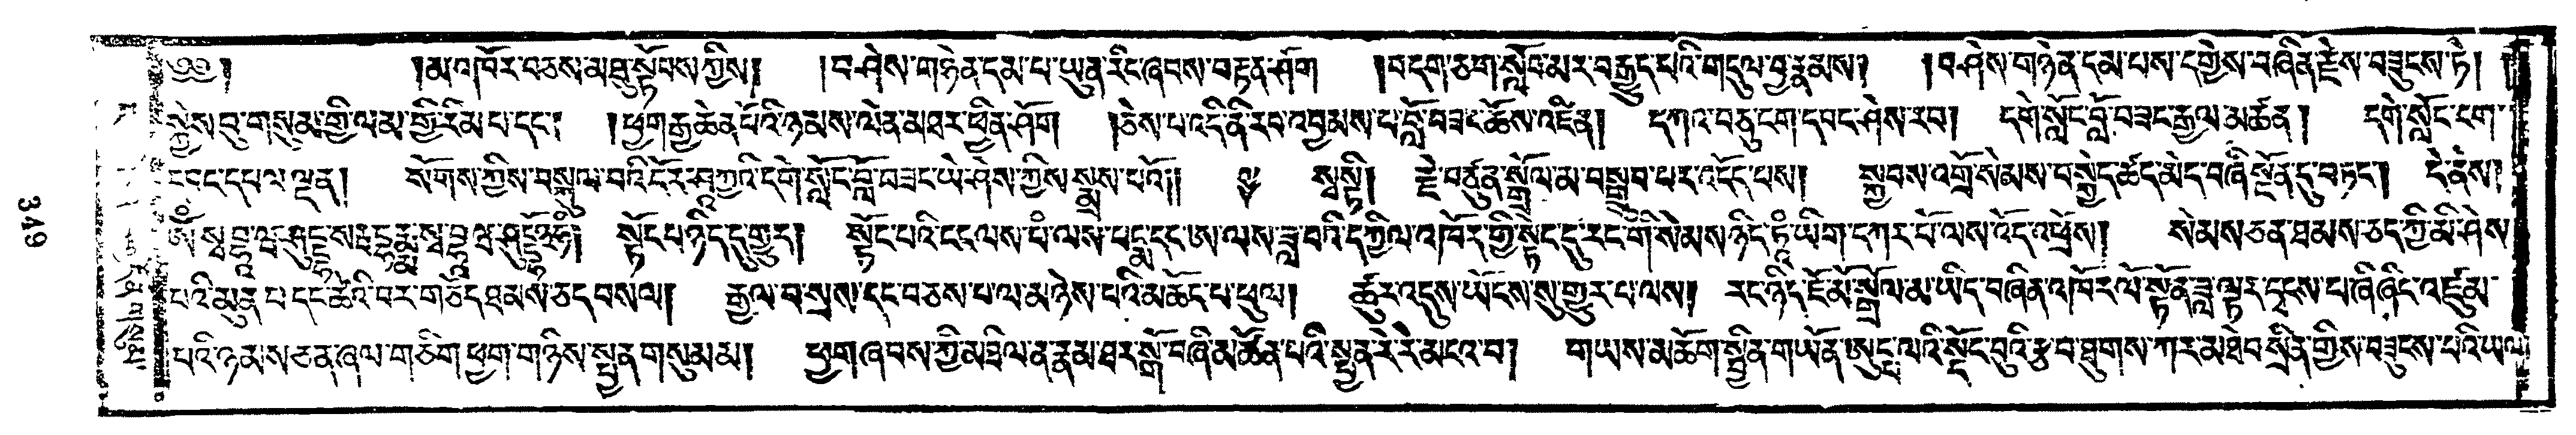༄༅། །མ་འཁོར་བཅས་མཐུ་སྟོབས་ཀྱིས། །བཤེས་གཉེན་དམ་པ་ཡུན་རིང་ཞབས་བརྟན་ཤོག །བདག་ཅག་སློབ་མར་བརྒྱུད་པའི་གདུལ་བྱ་རྣམས། །བཤེས་གཉེན་དམ་པས་དགྱེས་བཞིན་རྗེས་བཟུངས་ཏེ། །
སྐྱེས་བུ་གསུམ་གྱི་ལམ་གྱི་རིམ་པ་དང་། །ཕྱག་རྒྱ་ཆེན་པོའི་ཉམ་ལེན་མཐར་ཕྱིན་ཤོག །ཅེས་པ་འདི་ནི་རབ་འབྱམས་པ་བློ་བཟང་ཆོས་འཛིན། །དཀའ་བཅུ་ངག་དབང་ཤེས་རབ། །དགེ་སློང་བློ་བཟང་རྒྱལ་མཚན། དགེ་སློང་ངག་
དབང་དཔལ་ལྡན། སོགས་ཀྱིས་བསྐུལ་བའི་དོར་ཤཱཀྱའི་དགེ་སློང་བློ་བཟང་ཡེ་ཤེས་ཀྱིས་སྨྲས་པའོ།། ༈ སྭསྟི། རྗེ་བཙུན་སྒྲོལ་མ་བསྒྲུབ་པར་འདོད་པས། སྐྱབས་འགྲོ་སེམས་བསྐྱེད་ཚད་མེད་བཞི་སྔོན་དུ་བཏང་། དེ་ནས་
ཨོཾ་སྭཱ་བྷཱ་ཝ་ཤུདྡྷ་སརྦདྷརྨྨ་སྭ་བྷཱ་ཝ་ཤུདྡྷོཉྷཾ། སྟོང་པ་ཉིད་དུ་གྱུར། སྟོང་པའི་ངང་ལས་པཾ་ལས་པདམ་དང་ཨ་ལས་ཟླ་བའི་དཀྱིལ་འཁོར་གྱི་སྟེང་དུ་རང་གི་སེམས་ཉིད་ཏཱཾ་ཡིག་དཀར་པོ་ལས་འོད་འཕྲོས། སེམས་ཅན་ཐམས་ཅད་ཀྱི་མི་ཤེས་
པའི་མུན་པ་དང་ཚེའི་བར་གཅོད་ཐམས་ཅད་བསལ། །རྒྱལ་བ་སྲས་དང་བཅས་པ་ལ་མཉེས་པའི་མཆོད་པ་ཕུལ། ཚུར་འདུས་ཡོངས་སུ་གྱུར་པ་ལས། རང་ཉིད་ཇོ་མོ་སྒྲོལ་མ་ཡིད་བཞིན་འཁོར་ལོ་སྟོན་ཟླ་ལྟར་དྭངས་པ་ཞི་ཞིང་འཛུམ་
པའི་ཉམས་ཅན་ཞལ་གཅིག་ཕྱག་གཉིས་སྤྱན་གསུམ་མ། ཕྱག་ཞབས་ཀྱི་མཐིལ་ན་རྣམ་ཐར་སྒོ་བཞི་མཚོན་པའི་སྤྱན་རེ་རེ་མངའ་བ། གཡས་མཆོག་སྦྱིན་གཡོན་ཨུདཔ་ལའི་སྡོང་བུའི་རྩ་བ་ཐུགས་ཀར་མཐེབ་སྲིན་གྱིས་བཟུངས་པའི་ཡལ་